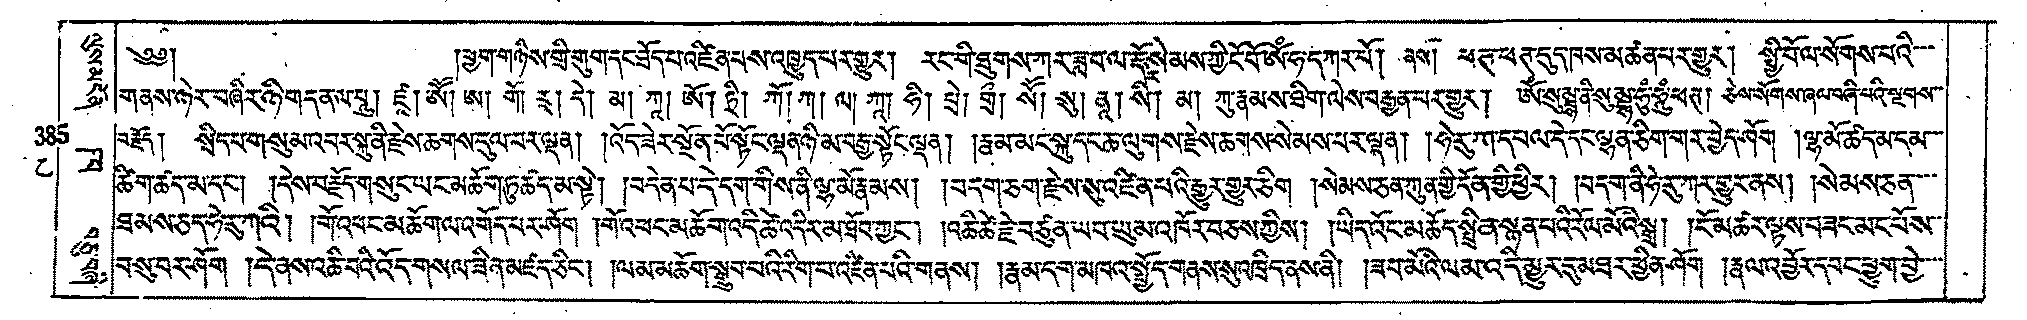༄༅། །ཕྱག་གཉིས་གྲི་གུག་དང་ཐོད་པ་འཛིན་པས་འཁྱུད་པར་གྱུར། རང་གི་ཐུགས་ཀར་ཟླ་བ་ལ་རྡོར་སེམས་ཀྱི་ངོ་བོ་ཨོཾ་ཧ་དཀར་པོ། ནས། ཕཊ་ཕཊ་དུད་ཁས་མཚན་པར་གྱུར། སྤྱི་བོ་ལ་སོགས་པའི་་་
གནས་ཉེར་བཞིར་ཉི་གདན་ལ་པཱུ། ཛཱ། ཨཽ། ཨ། གོ། རཱ། དེ། མ། ཀཱ། ཨོ། ཏྲི། ཀོ། ཀ། ལ། ཀཱ། ཧི། པྲེ། གྲྀ། སཽ། སུ། ནཱ། སི། མ། ཀུ་རྣམས་ཐིག་ལེས་བརྒྱན་པར་གྱུར། ཨོཾ་སུ་མྦྷ་ནི་སུ་མྦྷ་ཧུཾ་ཧཱུཾ་ཕཊ། ཅེས་སོགས་ཞལ་བཞི་པའི་སྔགས་་་
བརྗོད། སྲིད་པ་གསུམ་འབར་སྐུ་ནི་རྗེས་ཆགས་དུལ་བར་ལྡན། །འོད་ཟེར་སྔོན་པོ་སྟོང་ལྡན་ཉི་མ་བརྒྱ་སྟོང་ལྡན། །རྣམ་མང་སྐུ་དང་ཆ་ལུགས་རྗེས་ཆགས་སེམས་པར་ལྡན། །ཧེ་རུ་ཀ་དཔལ་དེ་དང་ལྷན་ཅིག་གར་བྱེད་ཤོག །ལྷ་མོ་ཚད་མ་དམ་་་
ཚིག་ཚད་མ་དང་། །དེས་བརྗོད་གསུང་ཡང་མཆོག་ཏུ་ཚད་མ་སྟེ། །བདེན་པ་དེ་དག་གིས་ནི་ལྷ་མོ་རྣམས། །བདག་ཅག་རྗེས་སུ་འཛིན་པའི་རྒྱུར་གྱུར་ཅིག །སེམས་ཅན་ཀུན་གྱི་དོན་གྱི་ཕྱིར། །བདག་ནི་ཧེ་རུ་ཀར་གྱུར་ནས། །སེམས་ཅན་་་
ཐམས་ཅད་ཧེ་རུ་ཀའི། །གོ་འཕང་མཆོག་ལ་འགོད་པར་ཤོག །གོ་འཕང་མཆོག་འདི་ཚེ་འདིར་མ་ཐོབ་ཀྱང་། །འཆི་ཚེ་རྗེ་བཙུན་ཡབ་ཡུམ་འཁོར་བཅས་ཀྱིས། །ཡིད་འོང་མཆོད་སྤྲིན་སྙན་པའི་རོལ་མོའི་སྒྲ། །ངོ་མཚར་ལྟས་བཟང་མང་པོས་་་
བསུ་བར་ཤོག །དེ་ནས་འཆི་བའི་འོད་གསལ་ཟིན་མཛད་ཅིང་། །ལམ་མཆོག་སྒྲུབ་པའི་རིག་པ་འཛིན་པའི་གནས། །རྣམ་དག་མཁའ་སྤྱོད་གནས་སུ་འཁྲིད་ནས་ནི། །ཟབ་མོའི་ལམ་འདི་མྱུར་དུ་མཐར་ཕྱིན་ཤོག །རྣལ་འབྱོར་དབང་ཕྱུག་བྱེ་་་